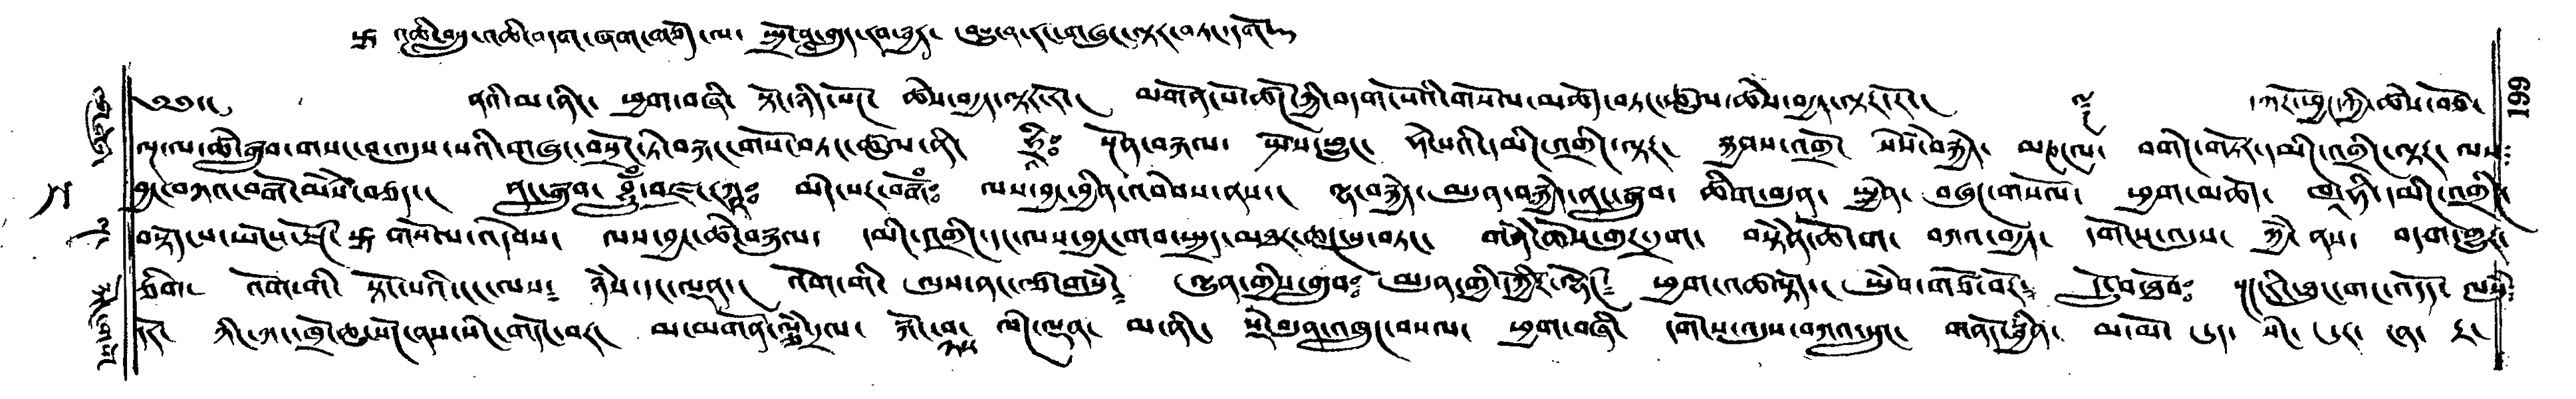རཏྣའི་མ་ནིང་། ཕྱག་བཞི། སྟོང་ཉིད༴ སོགས་ཚེས་བརྒྱད་ལྟར་དང་། མགོན་པོ་ཚོགས་ཀྱི་བདག་པོའི་གསོལ་མཆོད་བཏང་ཚུལ་ཀྱང་ཚེས་བརྒྱད་ལྟར་རོ། ༈ དཀར་ཕྱོགས་ཀྱི་ཚེས་བཅོ་
ལྔ་ལ་ཚེ་སྒྲུབ་གསང་བ་འདུས་པའི་གཞུང་བསྲངས་ཏེ་བསྐང་གསོ་གཏོང་ཚུལ་ནི། ཧྲཱིཿ སྔོན་བསྐལ༴ སྤོས་ཕྱུང་། ཧེ་པའི་དམིགས་འགྲིགས་ལྟར། སྐྱབས་འགྲོ། སེམས་སྐྱེད། མཎྜལ། བགེགས་གཏོར་དམིགས་འགྲིགས་ལྟར། ལས་
བྱང་བཀའ་བསྒོ་མཚམས་བཅད། ནང་སྒྲུབ། བྷྲུྃ་བཛྲ་རཀྵ༔ མེད་པར་བསྒོམ༔ ལས་བྱང་བྱིན་འབེབས་ནས། ལྷ་བསྐྱེད། མདུན་བསྐྱེད་ནང་སྒྲུབ། ཚིག་བདུན། སྤྱན་འདྲེན། བཞུགས་གསོལ། ཕྱག་མཆོད། ཁཱ་ཧི༴ དམིགས་འགྲིགས་
བསྟོད་པ་ཡོངས་རྫོགས། གསོལ་འདེབས། ལས་བྱང་ཚེ་བསྐུལ། དམིགས་འགྲིགས་དང་ལས་བྱང་གབ་སྤྲད་མཐར་ཆགས་སུ་བཏང་། གནམ་ཆོས་གུར་དྲག བསམ་ཏན་ཆོ་ག བཀའ་བརྒྱད། དགོངས་འདུས། ཀྱཻ༔ ནས། བདག་གྱུར་
ཅིག༔ འོག་གི སྟོང་པའི་ངང་ལས༴ ཉམས་དང་ལྡན༔ འོག་གི ལུས་ནང་རྩ་གསུམ༴ ལྷུན་གྱི་གྲུབ༔ མདུན་གྱི་དཀྱིལ་འཁོར་ལྷ་ཚོགས༴ ཕྱག་འཚལ་བསྟཽད༔ ཡབ་ཡུམ་གཙོ་བོར༴ དངོས་གྲུབ་ཐོབ༔ སྔགས་རིང་ཐུང་གང་འདོད། ལས་གསུམ་
དོར། ཀིང་ཀང་ཁྲོ་ཆུ་སོགས་ནས་སེང་གདོང་བར། མ་མགོན་ལྕམ་དྲལ། སྐོང་བ་ཉེར་ལྔ། ལེགས་ལྡན། མ་ནིང་། སྡེ་བདུན་འཁྲུགས་བསལ། ཕྱག་བཞི། དགོངས་འདུས་བཀའ་སྲུང་། གནོད་སྦྱིན། མ་མོ། དུད། སེང་། དུར། ངན། རྟ།